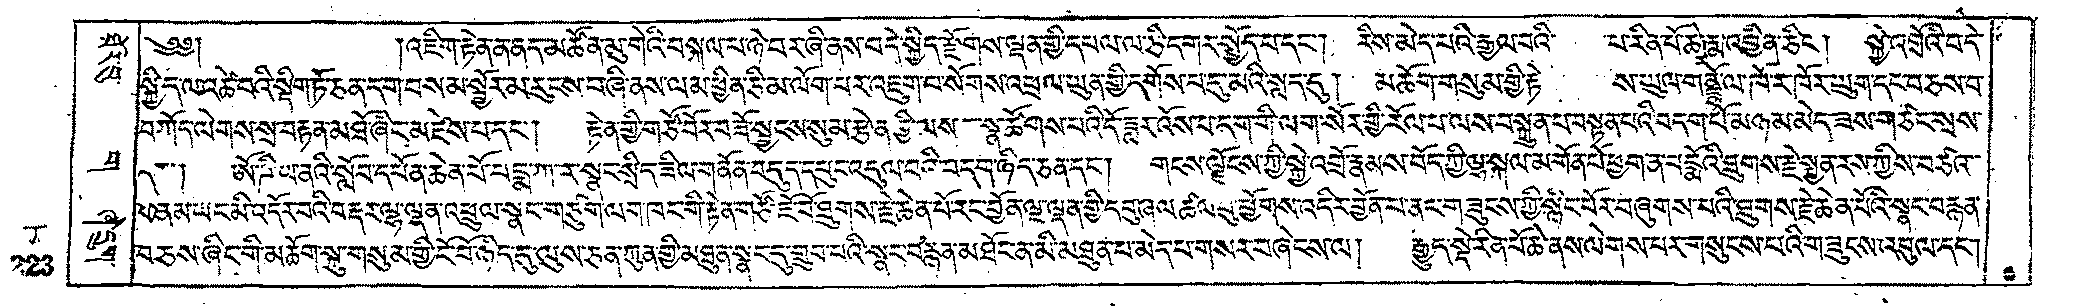༄༅། །འཇིག་རྟེན་ན་ནད་མཚོན་མུ་གེའི་བསྐལ་པ་ཉེ་བར་ཞི་ནས་བདེ་སྐྱིད་རྫོགས་ལྡན་གྱི་དཔལ་ལ་ཅི་དགར་སྤྱོད་པ་དང་། རིས་མེད་པའི་རྒྱལ་བའི་པ་རིན་པོ་ཆེར་རྨ་འབྱིན་ཅིང་། སྐྱེ་འགྲོའི་བདེ་
སྐྱིད་ལ་འཚེ་བའི་སྡིག་ཏོ་ཅན་དག་བསམ་སྦྱོར་མ་རུངས་བ་ཞི་ནས་ལམ་ཕྱིན་ཅི་མ་ལོག་པར་འཇུག་པ་སོགས་འཕྲལ་ཡུན་གྱི་དགོས་པ་དུ་མའི་སླད་དུ། མཆོག་གསུམ་གྱི་རྟེན་ས་ཡུལ་གནྡྙོ་ལ་ཁོར་ཁོར་ཡུག་དང་བཅས་བ་
བཀོད་ལེགས་སྲ་བརྟན་མཐོ་ཞིང་མཛེས་པ་དང་། རྟེན་གྱི་གཙོ་བོར་བཟོ་སྦྱངས་སུམ་རྟེན་གྱི་ལས་་་སྣ་ཚོགས་པའི་དོ་ཟླར་འོས་པ་དག་གི་ལག་སོར་གྱི་རོལ་པ་ལས་བསྐྲུན་པ་བསྟན་པའི་བདག་པོ་མཉམ་མེད་ཟས་གཙང་སྲས་
དང་། ཨོ་ཌི་ཡ་ནའི་སློབ་དཔོན་ཆེན་པོ་པདམ་ཀ་ར་སྣང་སྲིད་ཟིལ་གནོན་བདུད་དཔུང་འདུལ་བའི་བདག་ཉིད་ཅན་དང་། གངས་ལྗོངས་ཀྱི་སྐྱེ་འགྲོ་རྣམས་བོད་ཀྱི་ལྷ་སྐལ་མགོན་པོ་ཕྱག་ན་པདམོའི་ཐུགས་རྗེ་སྤྱན་རས་ཀྱིས་བཙའ་་་
?བ་ནམ་ཡང་མི་འདོར་བའི་བརྡར་ལྷ་ལྡན་འཕྲུལ་སྣང་གཙུག་ལག་ཁང་གི་རྟེན་གཙོ་ཇོ་བོ་ཐུགས་རྗེ་ཆེན་པོ་རང་བྱོན་ལྔ་ལྡན་གྱི་དབུ་ཞལ་ཚལ་བུ་ཕྱོགས་འདིར་བྱོན་པ་ནང་གཟུངས་ཀྱི་སྙིང་པོར་བཞུགས་པའི་ཐུགས་རྗེ་ཆེན་པོའི་སྣང་བརྙན་
བཅས་ཞིང་གི་མཆོག་སྐུ་གསུམ་གྱི་ངོ་བོ་ཉིད་དུ་ལུས་ཅན་ཀུན་གྱི་མཐུན་སྣང་དུ་གྲུབ་པའི་སྣང་བརྙན་མཐོང་ན་མི་མཐུན་པ་མེད་པ་གསར་བཞེངས་ལ། རྒྱུད་སྡེ་རིན་པོ་ཆེ་ནས་ལེགས་པར་གསུངས་པའི་གཟུངས་འབུལ་དང་།